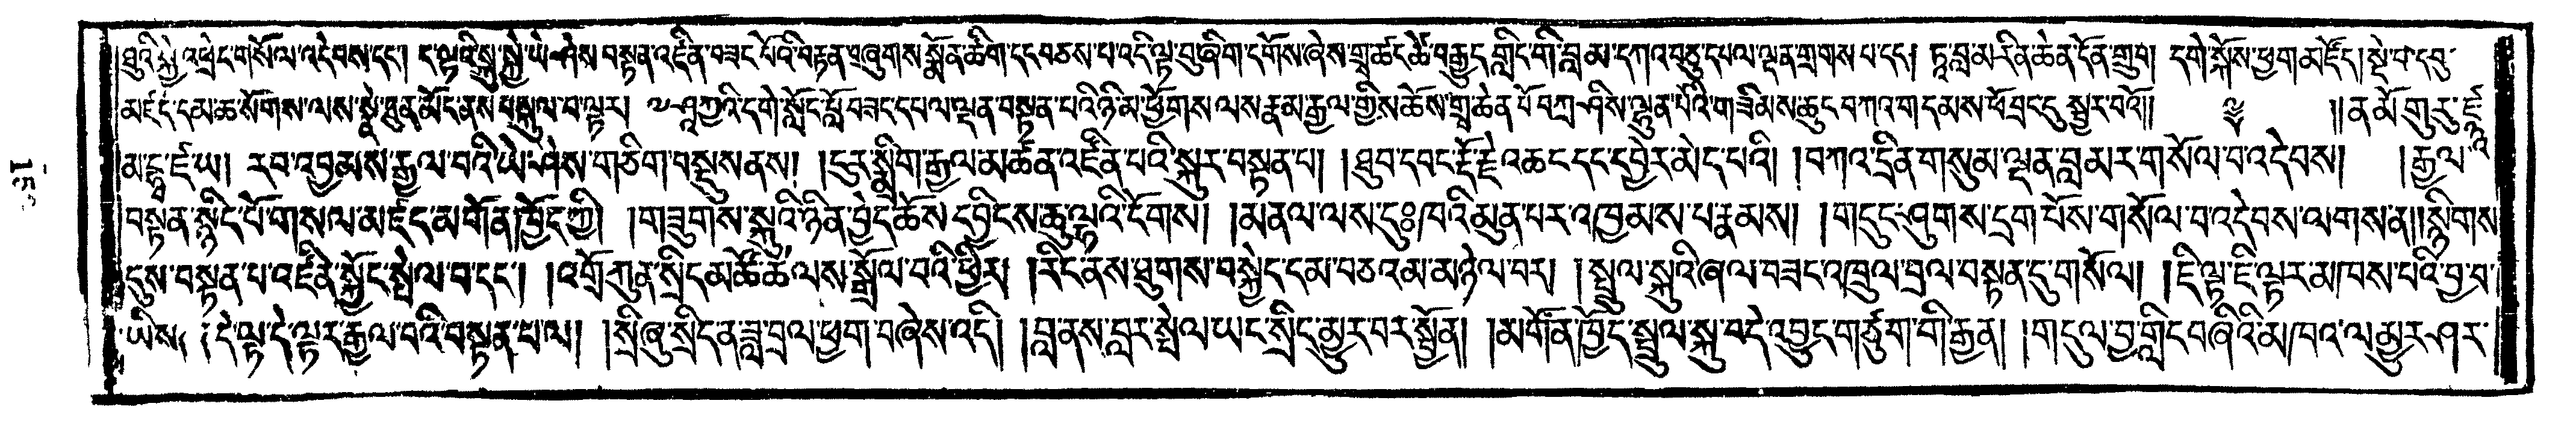ཐུའི་སྐྱེ་འཕྲེང་གསོལ་འདེབས་དང་། ད་ལྟའི་སྐུ་སྐྱེ་ཡེ་ཤེས་བསྟན་འཛིན་བཟང་པོའི་བརྟན་བཞུགས་སྨོན་ཚིག་དང་བཅས་པ་འདི་ལྟ་བུ་ཞིག་དགོས་ཞེས་གྲྭ་ཚང་ཚེ་བརྒྱུད་གླིང་གི་བླ་མ་དཀའ་བཅུད་དཔལ་ལྡན་གྲགས་པ་དང་། ཏཱ་བླ་མ་རིན་ཆེན་དོན་གྲུབ། དགེ་སྐོས་ཕྱག་མཛོད། སྡེ་པ་དབུ་
མཛད་དམ་ཆ་སོགས་ལས་སྣེ་ཐུན་མོང་ནས་བསྐུལ་བ་ལྟར། ༧་ཤཱཀྱའི་དགེ་སློང་བློ་བཟང་དཔལ་ལྡན་བསྟན་པའི་ཉི་མ་ཕྱོགས་ལས་རྣམ་རྒྱལ་གྱིས་ཆོས་གྲྭ་ཆེན་པོ་བཀྲ་ཤིས་ལྷུན་པོའི་གཟིམས་ཆུང་བཀའ་གདམས་ཕོ་བྲང་དུ་སྦྱར་བའོ།། ༈ །།ན་མོ་གུ་རུ་ཛྙཱ་
མ་དྷྭ་ཛ་ཡ། རབ་འབྱམས་རྒྱལ་བའི་ཡེ་ཤེས་གཅིག་བསྡུས་ནས། །དུར་སྨྲིག་རྒྱལ་མཚན་འཛིན་པའི་སྐུར་བསྟན་པ། །ཐུབ་དབང་རྡོ་རྗེ་འཆང་དང་དབྱེར་མེད་པའི། །བཀའ་དྲིན་གསུམ་ལྡན་བླ་མར་གསོལ་བ་འདེབས། །རྒྱལ་
བསྟན་སྙིང་པོ་གསལ་མཛད་མགོན་ཁྱོད་ཀྱི། །གཟུགས་སྐུའི་ཉིན་བྱེད་ཆོས་དབྱིངས་ཆུ་ལྷའི་ངོགས། །མནལ་ལས་དུཿ ཁའི་མུན་པར་འཁྱམས་པ་རྣམས། །གདུང་ཤུགས་དྲག་པོས་གསོལ་བ་འདེབས་ལགས་ན། །སྙིགས་
དུས་བསྟན་པ་འཛིན་སྐྱོང་སྤེལ་བ་དང་། །འགྲོ་ཀུན་སྲིད་མཚོ་ཆེ་ལས་སྒྲོལ་བའི་ཕྱིར། །རིང་ནས་ཐུགས་བསྐྱེད་དམ་བཅའ་མ་མཉེལ་བར། །སྤྲུལ་སྐུའི་ཞལ་བཟང་འཁྲུལ་བྲལ་བསྟན་དུ་གསོལ། །ཇི་ལྟ་ཇི་ལྟར་མཁས་པའི་བྱ་བ་
ཡིས༑ ༑དེ་ལྟ་དེ་ལྟར་རྒྱལ་བའི་བསྟན་པ་ལ། །སྲི་ཞུ་སྲིད་ན་ཟླ་བྲལ་ཕྱག་བཞེས་འདི། །བླ་ནས་བླར་སྤེལ་ཡང་སྲིད་མྱུར་བར་སྦྱོན། །མགོན་ཁྱོད་སྦྲུལ་སྐུ་བདེ་འབྱུང་གཙུག་གི་རྒྱན། །གདུལ་བྱ་གླིང་བཞིའི་མཁའ་ལ་མྱུར་ཤར་